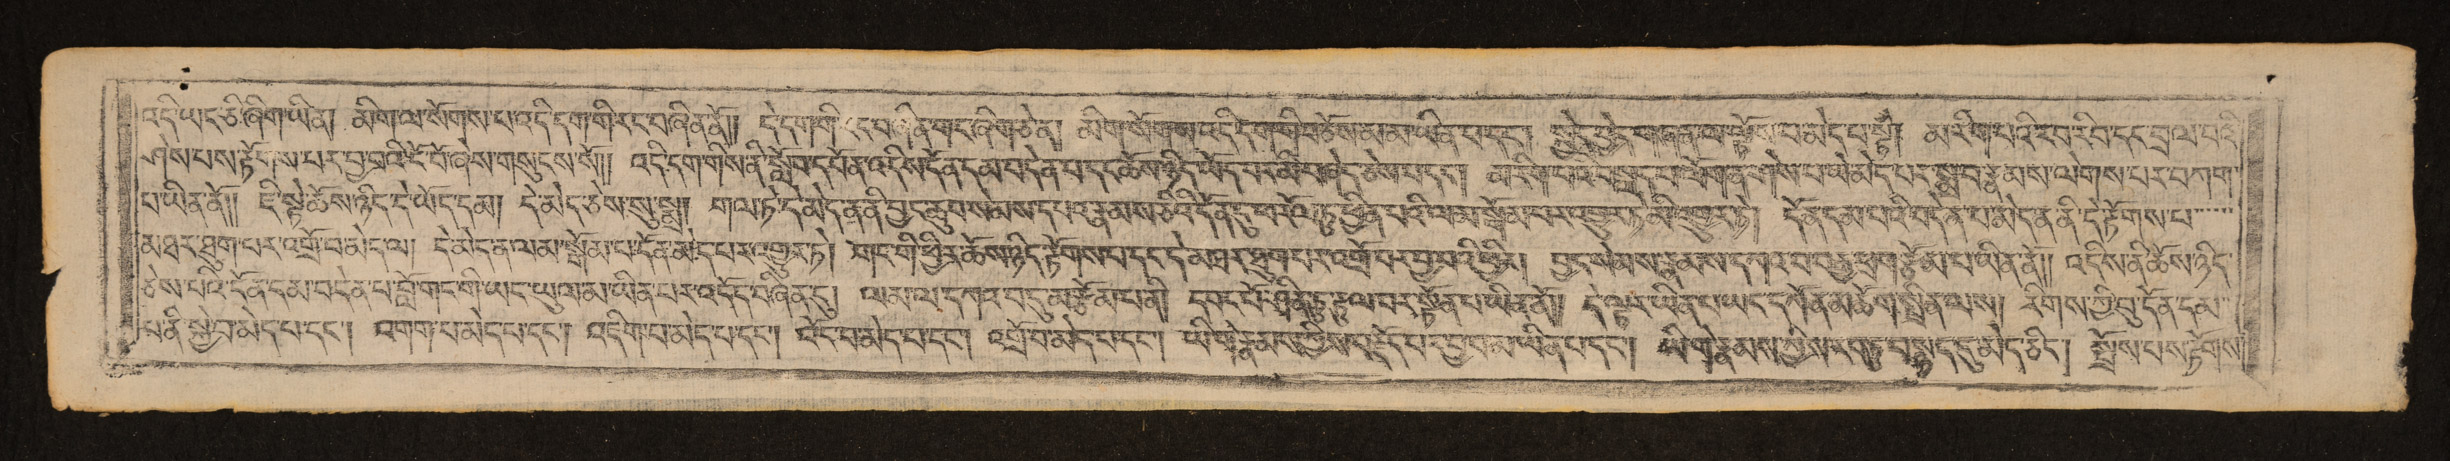འདི་ཡང་ཅི་ཞིག་ཡིན། མིག་ལ་སོགས་པ་འདི་དག་གི་རང་བཞིན་ནོ།། དེ་དག་གི་རང་བཞིན་གང་ཞིག་ཅེ་ན། མིག་སོགས་འདི་དག་གི་བཅོས་མ་མ་ཡིན་པ་དང་། སྐྱེད་བྱེད་གཞན་ལ་ལྟོས་པ་མེད་པ་སྟེ། མ་རིག་པའི་རབ་རིབ་དང་བྲལ་བའི་
ཤེས་པས་རྟོགས་པར་བྱ་བའི་ངོ་བོ་ཞེས་གསུངས་སོ།། འདི་དག་གིས་ནི་སློབ་དཔོན་འདིས་དོན་དམ་བདེན་པ་དང་ཆོས་ཉིད་ཡོད་པར་མི་བཞེད་ཅེས་པ་དང་། མ་རིག་པའི་བསླད་པ་ལོག་ན་ཤེས་པ་ཡེ་མེད་པར་སྨྲ་བ་རྣམས་ལེགས་པར་བཀག་
པ་ཡིན་ནོ།། ཇི་སྟེ་ཆོས་ཉིད་དེ་ཡོད་དམ། དེ་མེད་ཅེས་སུ་སྨྲ། གལ་ཏེ་དེ་མེད་ན་ནི་བྱང་ཆུབ་སེམས་དཔའ་རྣམས་ཅིའི་དོན་དུ་ཕ་རོལ་ཏུ་ཕྱིན་པའི་ལམ་སྒོམ་པར་འགྱུར་ཏེ་མི་འགྱུར་ཏེ། དོན་དམ་པའི་བདེན་པ་མེད་ན་ནི་དེ་རྟོགས་པ་
མཐར་ཐུག་པར་འགྲོ་བ་མེད་ལ། དེ་མེད་ན་ལམ་སྒོམ་པ་དོན་མེད་པར་འགྱུར་ཏེ། གང་གི་ཕྱིར་ཆོས་ཉིད་རྟོགས་པ་དང་དེ་མཐར་ཐུག་པར་འགྲོ་བར་བྱ་བའི་ཕྱིར། བྱང་སེམས་རྣམས་དཀའ་བ་བརྒྱ་ཕྲག་རྩོམ་པ་ཡིན་ནོ།། འདིས་ནི་ཆོས་ཉིད་
ཅེས་པའི་དོན་དམ་བདེན་པ་བློ་གང་གི་ཡང་ཡུལ་མ་ཡིན་པར་འདོད་བཞིན་དུ། ལམ་ལ་དཀའ་བ་དུ་མ་རྩོམ་པ་ནི། །དབང་པོ་ཤིན་ཏུ་རྟུལ་བར་སྟོན་པ་ཡིན་ནོ།། དེ་ལྟར་ཡིན་པ་ཡང་དཀོན་མཆོག་སྤྲིན་ལས། རིགས་ཀྱི་བུ་དོན་དམ་
པ་ནི་སྐྱེ་བ་མེད་པ་དང་། འགག་པ་མེད་པ་དང་། འཇིག་པ་མེད་པ་དང་། འོང་བ་མེད་པ་དང་། འགྲོ་བ་མེད་པ་དང་། ཡི་གེ་རྣམས་ཀྱིས་བརྗོད་པར་བྱ་བ་མ་ཡིན་པ་དང་། ཡི་གེ་རྣམས་ཀྱིས་རབ་ཏུ་བསྙད་དུ་མེད་ཅིང་། སྤྲོས་པས་རྟོགས་